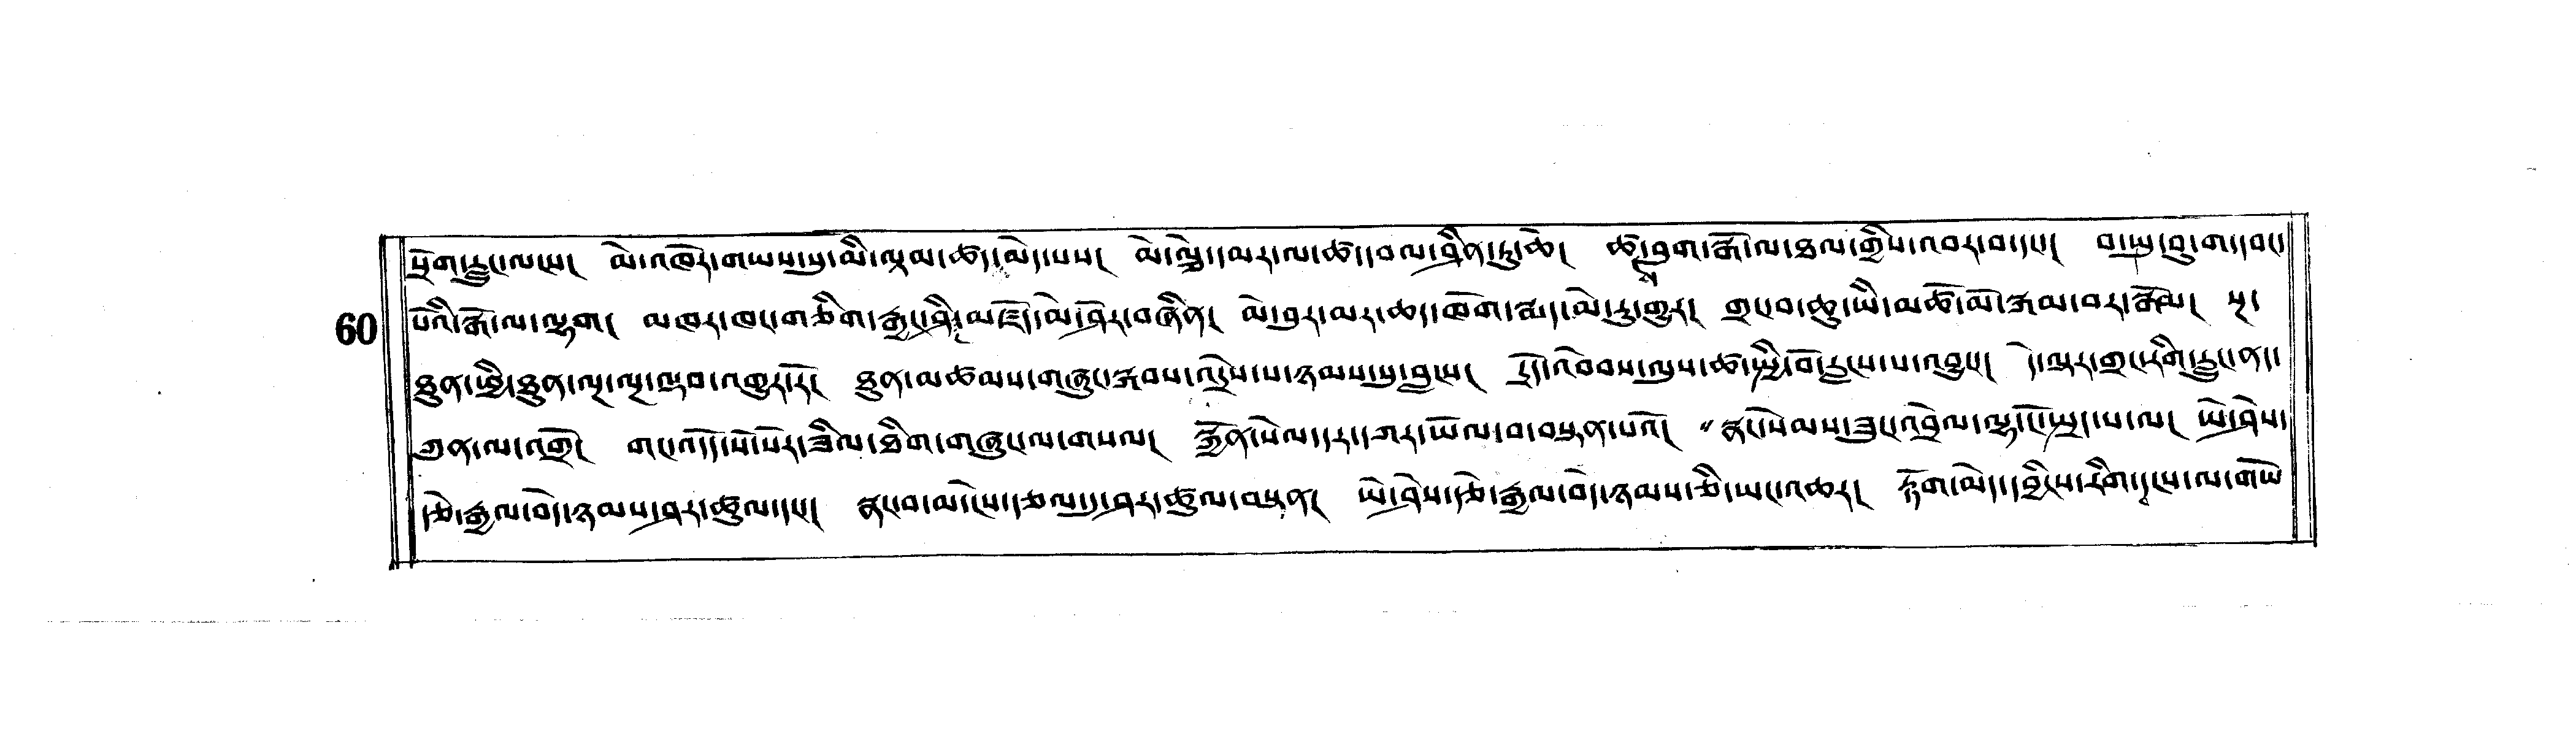སྲོག་རླུང་ལངས། མེ་འཁོར་གཡས་སུ་མི་ལྟམ་ཚད་མེད་པས། མེ་ལྕེ་དམར་ལ་ཚ་དབལ་ཤིན་ཏུ་ཆེ། ཚངས་བུག་སྒོ་ལ་ཐལ་གྱིས་འབར་བ་དང་། བ་སྤུ་བུ་ག་དབང་
པོའི་སྒོ་ལ་ལྷག མཁར་ཁང་གཅིག་རྒྱང་ཤིང་མཛོད་མེ་ཤོར་བཞིན། མེ་བུར་མར་ཆད་ཁོག་སྨད་མེ་རུ་གྱུར། གྲང་བ་ཆུ་ཡི་མཚོ་མོ་སྐམ་པར་བསྒོམ། སྔ་
ཐུན་ཕྱི་ཐུན་ལྔ་ལྔ་ལྡབ་འགྱུར་རོ། ཐུན་མཚམས་གཞུང་སྐབས་འདྲེས་པ་ཉམས་སུ་བླང་། དྲོད་འབེབས་རླངས་ཚད་སྤྱི་བོ་རླངས་པ་འབྱུང་། དེ་ལྟར་གྲང་རེག་རླུང་ནད་
ཀུན་ལ་འགྲོ། གང་འདོད་སོ་སོར་ཟིལ་ཐིག་གཞུང་ལ་གསལ། སྐྱོན་སེལ་དར་དཀར་ཡོལ་བ་བསྟན་པའོ། ༧ སྣང་སེམས་ཟུང་འབྲེལ་ལྷ་ངོ་སྤྲད་པ་ལ། ཡེ་ཤེས་
རྩེ་རྒྱལ་བདེ་ཉམས་ཤར་ཚུལ་དང་། སྣང་བ་མ་ངེས་རྩལ་དུ་ཤར་ཚུལ་བསྟན། ཡེ་ཤེས་རྩེ་རྒྱལ་བདེ་ཉམས་ཅི་ཡང་འཆར། རྟོག་མེད་དབྱིངས་རིགས་དྭངས་ལ་གཡོ་